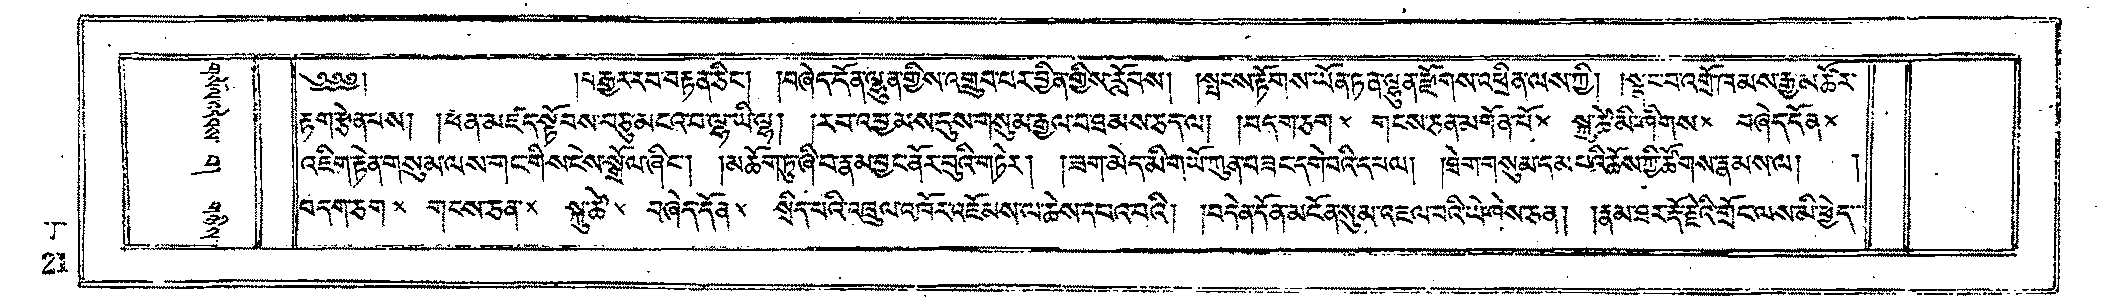༄༅༅། །བརྒྱར་རབ་བརྟན་ཅིང་། །བཞེད་དོན་ལྷུན་གྱིས་འགྲུབ་པར་བྱིན་གྱིས་རློབས། །སྤངས་རྟོགས་ཡོན་ཏན་ལྷུན་རྫོགས་འཕྲིན་ལས་ཀྱི། །སྣང་བ་འགྲོ་ཁམས་རྒྱ་མཚོར་
རྟག་རྩེན་པས། །ཕན་མཛད་སྟོབས་བཅུ་མངའ་བ་ལྷ་ཡི་ལྷ། །རབ་འབྱམས་དུས་གསུམ་རྒྱལ་བ་ཐམས་ཅད་ལ། །བདག་ཅག་྾་གངས་ཅན་མགོན་པོ་྾་སྐུ་ཚེ་མི་ཤིགས་྾་བཞེད་དོན་྾་
འཇིག་རྟེན་གསུམ་ལས་གང་གིས་ངེས་སྒྲོལ་ཞིང་། །མཆོག་ཏུ་ཞི་བ་རྣམ་བྱང་ནོར་བུའི་གཏེར། །ཟག་མེད་མི་གཡོ་ཀུན་བཟང་དགེ་བའི་དཔལ། །ཐེག་གསུམ་དམ་པའི་ཆོས་ཀྱི་ཚོགས་རྣམས་ལ། །
བདག་ཅག་྾་གངས་ཅན་྾་སྐུ་ཚེ་྾་བཞེད་དོན་྾་སྲིད་པའི་འཁྲུལ་འཁོར་འཇོམས་ལ་ཆེས་དཔའ་བའི། །བདེན་དོན་མངོན་སུམ་འཇལ་བའི་ཡེ་ཤེས་ཅན། །རྣམ་ཐར་རྡོ་རྗེའི་གྲོང་ལས་མི་ཕྱེད་་་